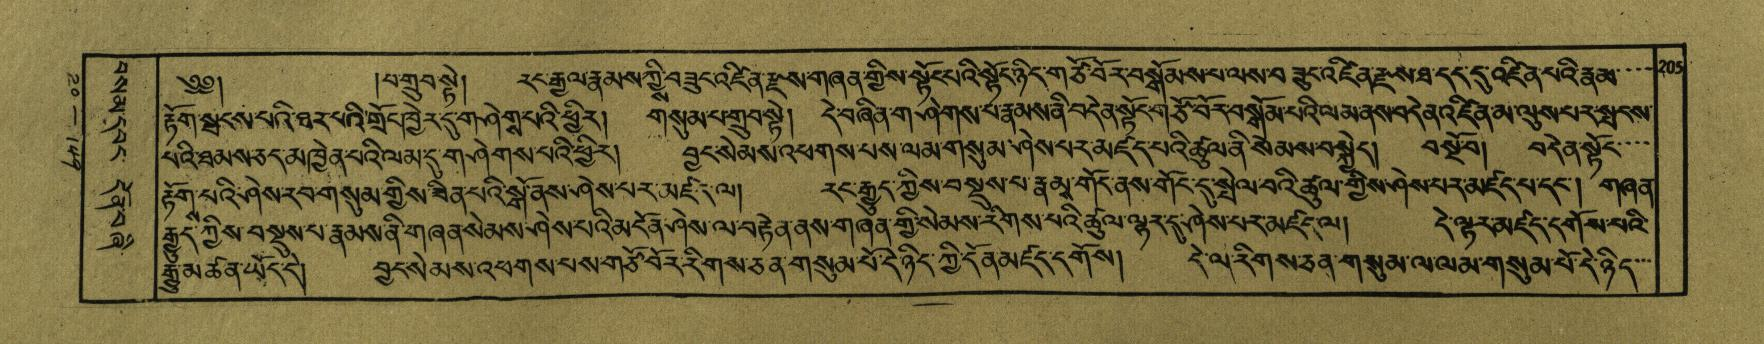༄༅། །པ་གྲུབ་སྟེ། རང་རྒྱལ་རྣམས་ཀྱིས་བཟུང་འཛིན་རྫས་གཞན་གྱིས་སྟོང་པའི་སྟོང་ཉིད་གཙོ་བོར་བསྒོམས་པ་ལས་བཟུང་འཛིན་རྫས་ཐ་དད་དུ་འཛིན་པའི་རྣམ་
རྟོག་སྤངས་པའི་ཐར་པའི་གྲོང་ཁྱེར་དུ་གཤེགས་པའི་ཕྱིར། གསུམ་པ་གྲུབ་སྟེ། དེ་བཞིན་གཤེགས་པ་རྣམས་ནི་བདེན་སྟོང་གཙོ་བོར་བསྒོམ་པའི་ལམ་ནས་བདེན་འཛིན་མ་ལུས་པར་སྤངས་
པའི་ཐམས་ཅད་མཁྱེན་པའི་ལམ་དུ་གཤེགས་པའི་ཕྱིར། བྱང་སེམས་འཕགས་པས་ལམ་གསུམ་ཤེས་པར་མཛད་པའི་ཚུལ་ནི་སེམས་བསྐྱེད། བསྔོ་བ། བདེན་སྟོང་
རྟོགས་པའི་ཤེས་རབ་གསུམ་གྱིས་ཟིན་པའི་སྒོ་ནས་ཤེས་པར་མཛད་ལ། རང་རྒྱུད་ཀྱིས་བསྡུས་པ་རྣམས་གོང་ནས་གོང་དུ་སྤེལ་བའི་ཚུལ་གྱིས་ཤེས་པར་མཛད་པ་དང་། གཞན་
རྒྱུད་ཀྱིས་བསྡུས་པ་རྣམས་ནི་གཞན་སེམས་ཤེས་པའི་མངོན་ཤེས་ལ་བརྟེན་ནས་གཞན་གྱི་སེམས་རིགས་པའི་ཚུལ་ལྟར་དུ་ཤེས་པར་མཛད་ལ། དེ་ལྟར་མཛད་དགོས་པའི་
རྒྱུ་མཚན་ཡོད་དེ། བྱང་སེམས་འཕགས་པས་གཙོ་བོར་རིགས་ཅན་གསུམ་པོ་དེ་ཉིད་ཀྱི་དོན་མཛད་དགོས། དེ་ལ་རིགས་ཅན་གསུམ་ལ་ལམ་གསུམ་པོ་དེ་ཉིད་